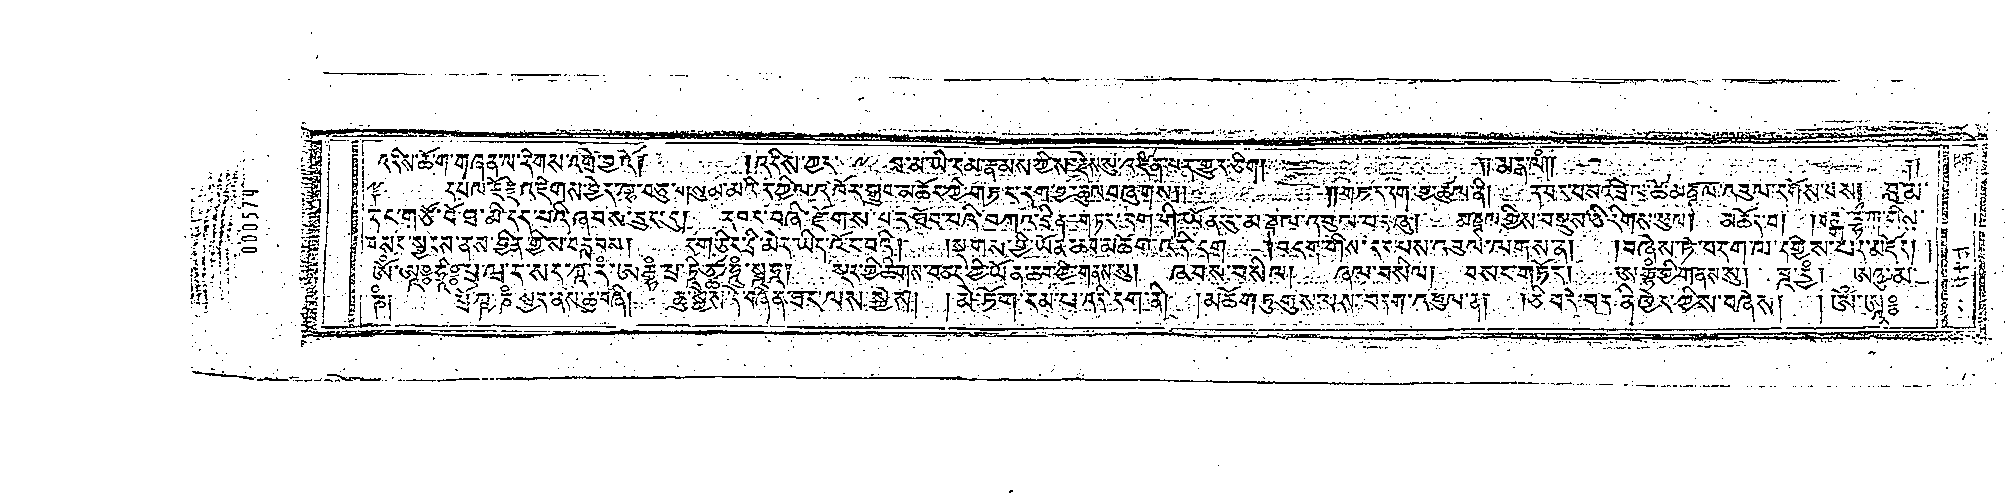འདིས་ཆོག་གཞན་ལ་རིགས་འགྲོ་བྱའོ། །འདིས་ཀྱང་༧་བླ་མ་ཡི་དམ་རྣམས་ཀྱིས་རྗེས་སུ་འཛིན་པར་གྱུར་ཅིག། །།མངྒ་ལཾ།། །།
༈ དཔལ་རྡོ་རྗེ་འཇིགས་བྱེད་ལྷ་བཅུ་གསུམ་མའི་དཀྱིལ་འཁོར་སྒྲུབ་མཆོད་ཀྱི་གཏང་རག་བྱ་ཚུལ་བཞུགས།། །།གཏང་རག་བྱ་ཚུལ་ནི། དབང་པས་འབྲིལ་ཚེ་མཎྜལ་འབུལ་དགོས་པས། བླ་མ་
དང་གཙོ་བོ་ཐ་མི་དད་པའི་ཞབས་དྲུང་དུ། དབང་བཞི་རྫོགས་པར་ཐོབ་པའི་བཀའ་དྲིན་གཏང་རག་གི་ཡོན་དུ་མཎྜལ་འབུལ་བར་ཞུ། མཎྜལ་གྱིས་བསྡུས་ཅི་རིགས་ཕུལ། མཆོད་བ། ཁཊྒ་དྷྀ་ཀ་གིས་
བསང་སྦྱངས་ནས་བྱིན་གྱིས་བརླབས། དག་ཅིང་དྲི་མེད་ཡིད་འོང་བའི། །སྔགས་ཀྱི་ཡོན་ཆབ་མཆོག་འདི་དག །བདག་གིས་དད་པས་འབུལ་ལགས་ན། །བཞེས་ཏེ་བདག་ལ་བགྱིས་པར་མཛོད། །
ཨོཾ་ཨཱཿ་ཧྲཱིཿ་པྲ་ཝ་ར་སར་ཀཱ་རཾ་ཨརྒྷཾ་པྲ་ཏཱིཙྪ་ཧཱུཾ་སྭཱཧཱ། སྔར་གྱི་ཚིགས་བཅད་ཀྱི་ཡོན་ཆབ་ཀྱི་གནས་སུ། ཞབས་བསིལ། ཞལ་བསིལ། བསང་གཏོར། ཨརྒྷཾ་གྱི་གནས་སུ། བཱ་དྱཾ། ཨཉྩ་མ་
ཎཾ། པྲོཀྵ་ཎཾ་སྦྱད་ནས་ཆུ་བཞི། ཆུ་སྐྱེས་དེ་བཞིན་ཐང་ལས་སྐྱེས། །མེ་ཏོག་དམ་པ་འདི་དག་ནི། །མཆོག་ཏུ་གུས་པས་བདག་འབུལ་ན། །ཅི་བདེ་བར་ནི་ཁྱེད་ཀྱིས་བཞེས། །ཨོཾ་ཨཱཿ